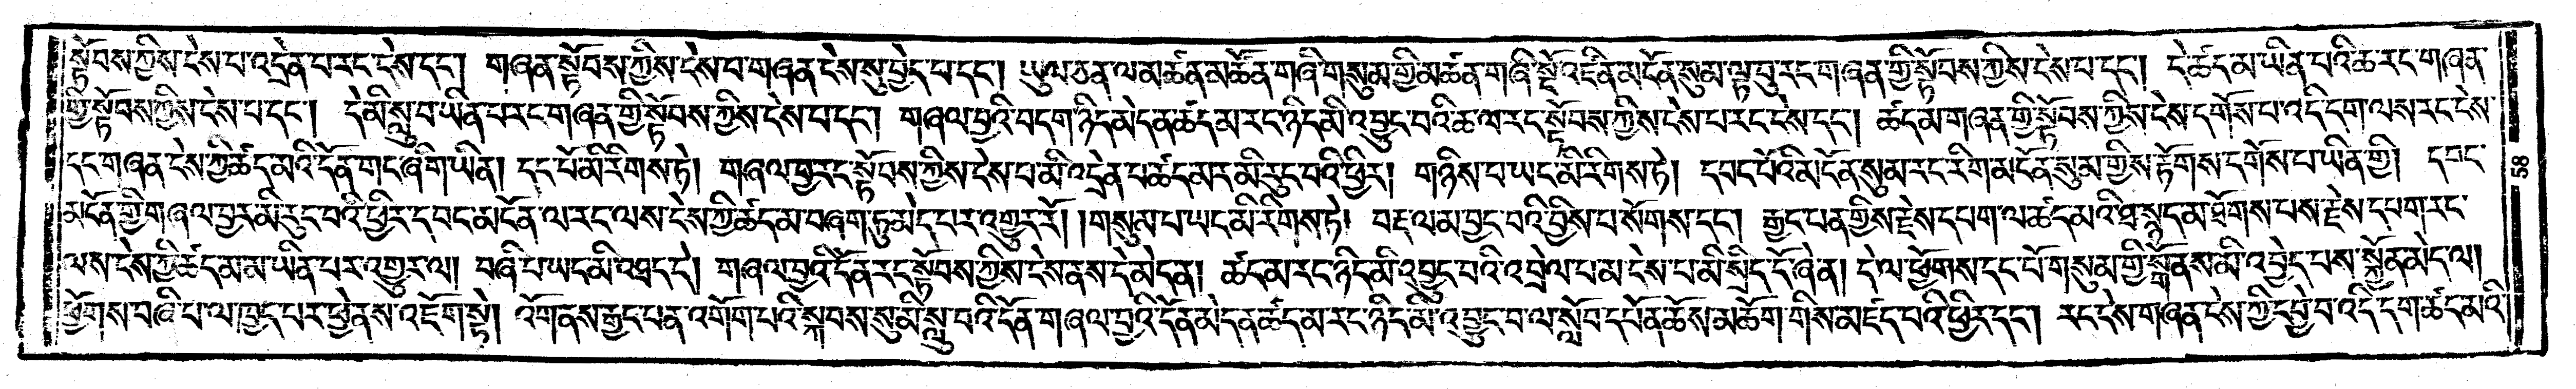སྟོབས་ཀྱིས་ངེས་པ་འདྲེན་པ་རང་ངེས་དང་། གཞན་སྟོབས་ཀྱིས་ངེས་པ་གཞན་ངེས་སུ་བྱེད་པ་དང་། ཡུལ་ཅན་ལ་མཚན་མཚོན་གཞི་གསུམ་གྱི་མཚན་གཞི་སྔོ་འཛིན་མངོན་སུམ་ལྟ་བུ་རང་གཞན་གྱི་སྟོབས་ཀྱིས་ངེས་པ་དང་། དེ་ཚད་མ་ཡིན་པའི་ཆ་རང་གཞན་
གྱི་སྟོབས་ཀྱིས་ངེས་པ་དང་། དེ་མི་སླུ་བ་ཡིན་པ་རང་གཞན་གྱི་སྟོབས་ཀྱིས་ངེས་པ་དང་། གཞལ་བྱའི་བདག་ཉིད་མེད་ན་ཚད་མ་རང་ཉིད་མི་འབྱུང་བའི་ཆ་ལ་རང་སྟོབས་ཀྱིས་ངེས་པ་རང་ངེས་དང་། ཚད་མ་གཞན་གྱི་སྟོབས་ཀྱིས་ངེས་དགོས་པ་འདི་དག་ལས་རང་ངེས་
དང་གཞན་ངེས་ཀྱི་ཚད་མའི་དོན་གང་ཞིག་ཡིན། དང་པོ་མི་རིགས་ཏེ། གཞལ་བྱ་རང་སྟོབས་ཀྱིས་ངེས་པ་མི་འདྲེན་པ་ཚད་མར་མི་རུང་བའི་ཕྱིར། གཉིས་པ་ཡང་མི་རིགས་ཏེ། དབང་པོའི་མངོན་སུམ་རང་རིག་མངོན་སུམ་གྱིས་རྟོགས་དགོས་པ་ཡིན་གྱི། དབང་
མངོན་གྱི་གཞལ་བྱར་མི་རུང་བའི་ཕྱིར་དབང་མངོན་ལ་རང་ལས་ངེས་ཀྱི་ཚད་མ་བཞག་ཏུ་མེད་པར་འགྱུར་རོ། །གསུམ་པ་ཡང་མི་རིགས་ཏེ། བརྡ་ལ་མ་བྱང་བའི་བྱིས་པ་སོགས་དང་། རྒྱང་པན་གྱིས་རྗེས་དཔག་ལ་ཚད་མའི་ཐ་སྙད་མ་ཐོགས་པས་རྗེས་དཔག་རང་
ལས་ངེས་ཀྱི་ཚད་མ་མ་ཡིན་པར་འགྱུར་ལ། བཞི་པ་ཡང་མི་འཐད་དེ། གཞལ་བྱའི་དོན་རང་སྟོབས་ཀྱིས་ངེས་ནས་དེ་མེད་ན། ཚད་མ་རང་ཉིད་མི་འབྱུང་བའི་འབྲེལ་པ་མ་ངེས་པ་མི་སྲིད་དོ་ཞེ་ན། དེ་ལ་ཕྱོགས་དང་པོ་གསུམ་གྱི་སྒོ་ནས་མི་འབྱེད་པས་སྐྱོན་མེད་ལ།
ཕྱོགས་བཞི་པ་ལ་ཁྱད་པར་ཕྱེ་ནས་འཇོག་སྟེ། འོག་ནས་རྒྱང་པན་འགོག་པའི་སྐབས་སུ་མི་སླུ་བའི་དོན་གཞལ་བྱའི་དོན་མེད་ན་ཚད་མ་རང་ཉིད་མི་འབྱུང་བ་ལ་སློབ་དཔོན་ཆོས་མཆོག་གིས་མཛད་པའི་ཕྱིར་དང་། རང་ངེས་གཞན་ངེས་ཀྱི་དབྱེ་བ་འདི་དག་ཚད་མའི་